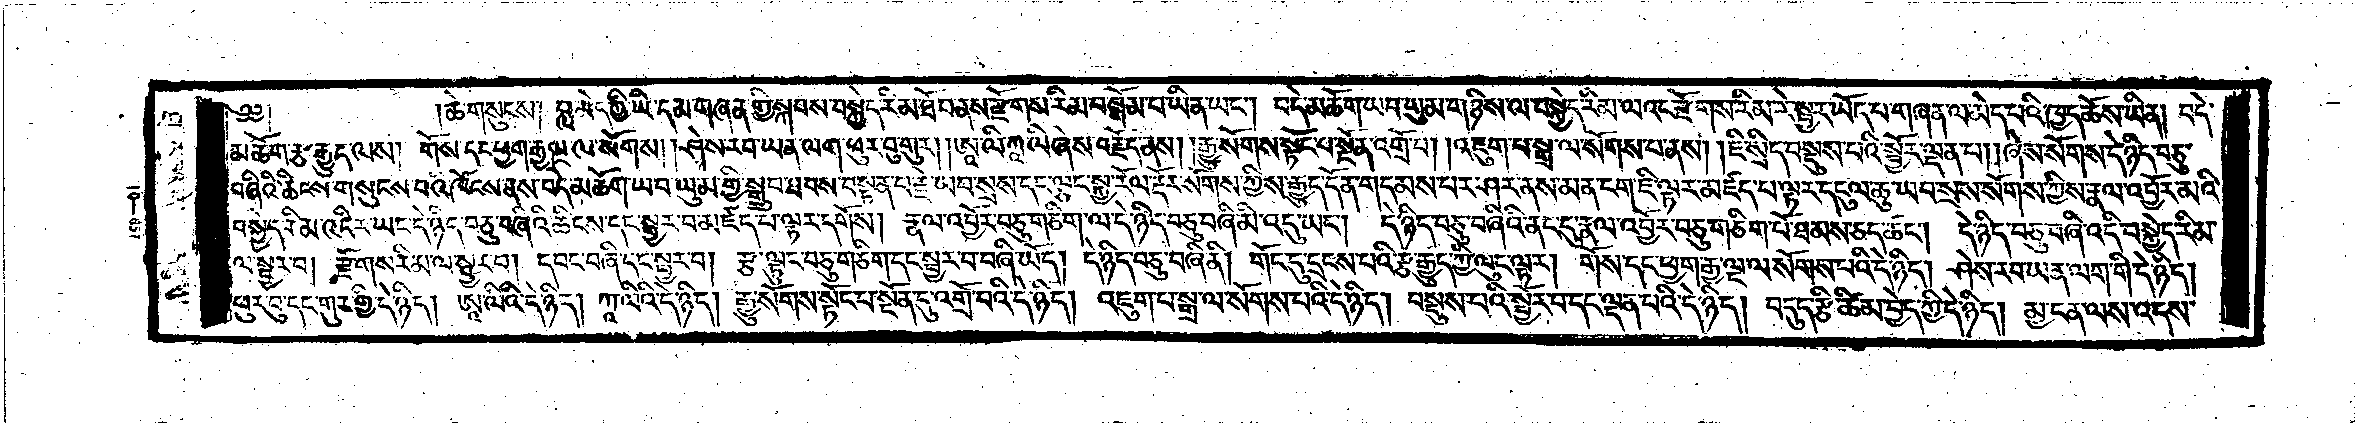༄༅། །ཆེ་གསུངས། བླ་མེད་ཀྱི་ཡི་དམ་གཞན་གྱི་སྐབས་བསྐྱེད་རིམ་ཐོབ་ནས་རྫོགས་རིམ་བསྒོམ་པ་ཡིན་ཡང་། བདེ་མཆོག་ཡབ་ཡུམ་གཉིས་ལ་བསྐྱེད་རིམ་ལའང་རྫོགས་རིམ་རེ་སྦྱར་ཡོད་པ་གཞན་ལ་མེད་པའི་ཁྱད་ཆོས་ཡིན། བདེ་
མཆོག་རྩ་རྒྱུད་ལས། གོས་དང་ཕྱག་རྒྱ་ལྔ་ལ་སོགས། །ཤེས་རབ་ཡན་ལག་ཕུར་བུ་གུར། །ཨཱ་ལི་ཀཱ་ལི་ཞེས་བརྗོད་ནས། །རྒྱུ་སོགས་སྟོང་པ་སྔོན་འགྲོ་བ། །འཇུག་པ་སྒྲ་ལ་སོགས་པ་ནས། །ཇི་སྲིད་བསྡུས་པའི་སྦྱོར་ལྡན་པ། །ཞེས་སོགས་དེ་ཉིད་བཅུ་
བཞིའི་ཆིངས་གསུངས་པའི་ཁོངས་ནས་བདེ་མཆོག་ཡབ་ཡུམ་གྱི་སྒྲུབ་ཐབས་བསྟན་པ་རྗེ་ཡབ་སྲས་དང་ལྕང་སྐྱ་རོལ་རྡོར་སོགས་ཀྱིས་རྒྱུད་དོན་གདམས་པར་ཤར་ནས་མན་ངག་ཇི་ལྟར་མཛད་པ་ལྟར་དངུལ་ཆུ་ཡབ་སྲས་སོགས་ཀྱིས་རྣལ་འབྱོར་མའི་
བསྐྱེད་རིམ་འདིར་ཡང་དེ་ཉིད་བཅུ་བཞིའི་ཆིངས་དང་སྦྱར་བ་མཛད་པ་ལྟར་དགོས། རྣལ་འབྱོར་བཅུ་གཅིག་ལ་དེ་ཉིད་བཅུ་བཞི་མི་འདུ་ཡང་། དེ་ཉིད་བཅུ་བཞིའི་ནང་དུ་རྣལ་འབྱོར་བཅུ་གཅིག་པོ་ཐམས་ཅད་ཚང་། དེ་ཉིད་བཅུ་བཞི་འདི་བསྐྱེད་རིམ་
ལ་སྦྱར་བ། རྫོགས་རིམ་ལ་སྦྱར་བ། དབང་བཞི་དང་སྦྱར་བ། རྩ་ལྟུང་བཅུ་གཅིག་དང་སྦྱར་བ་བཞི་ཡོད། དེ་ཉིད་བཅུ་བཞི་ནི། གོང་དུ་དྲངས་པའི་རྩ་རྒྱུད་ཀྱི་ལུང་ལྟར། གོས་དད་ཕྱག་རྒྱ་ལྔ་ལ་སོགས་པའི་དེ་ཉིད། ཤེས་རབ་ཡན་ལག་གི་དེ་ཉིད།
ཕུར་བུ་དང་གུར་གྱི་དེ་ཉིད། ཨཱ་ལིའི་དེ་ཉིད། ཀཱ་ལིའི་དེ་ཉིད། རྒྱུ་སོགས་སྟོང་པ་སྔོན་དུ་འགྲོ་བའི་དེ་ཉིད། འཇུག་པ་སྒྲ་ལ་སོགས་པའི་དེ་ཉིད། བསྡུས་པའི་སྦྱོར་བ་དང་ལྡན་པའི་དེ་ཉིད། བདུད་རྩི་ཚིམ་བྱེད་ཀྱི་དེ་ཉིད། མྱ་ངན་ལས་འདས་